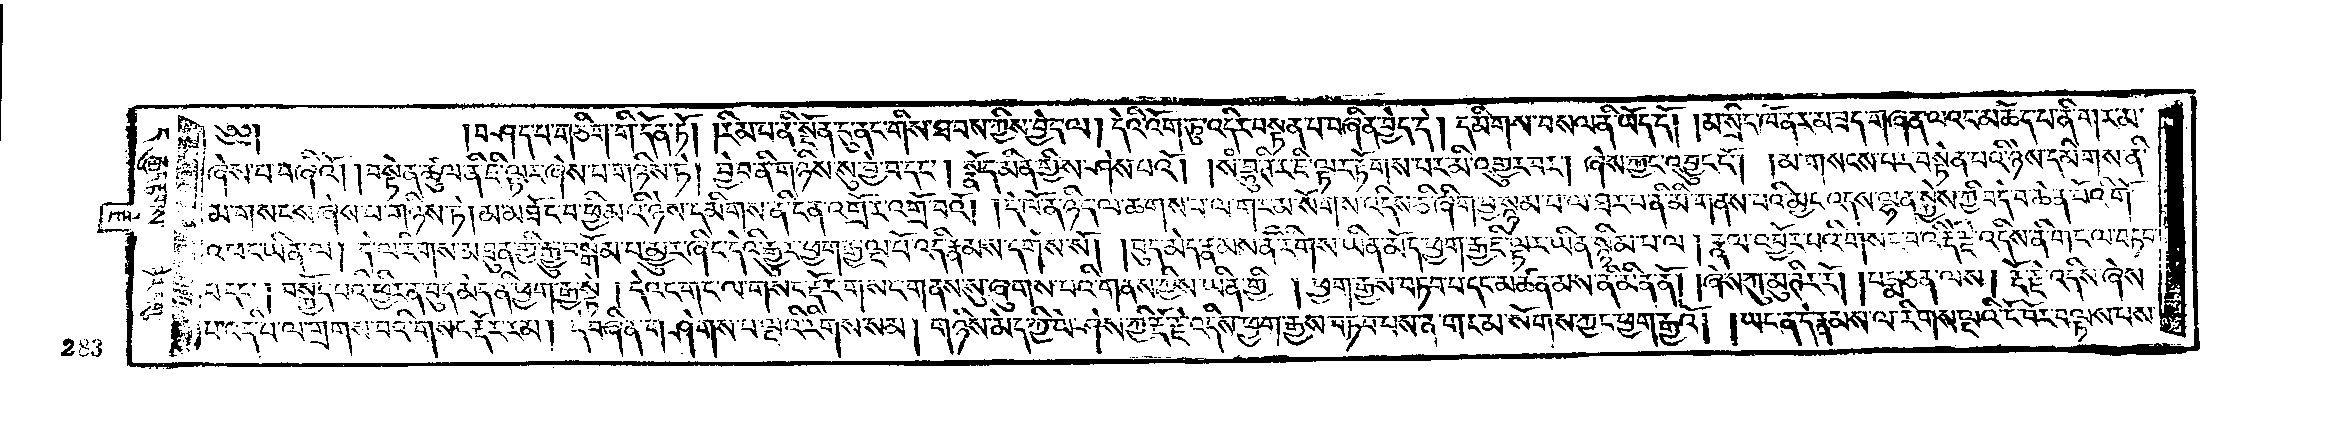༄༅། །བཤད་པ་གཅིག་གི་དོན་ཏོ། །རིམ་པ་ནི་སྔོན་དུ་ནང་གིས་ཐབས་ཀྱིས་བྱེད་ལ། དེའི་འོག་ཏུ་འདིར་བསྟན་པ་བཞིན་བྱེད་དེ། དམིགས་བསལ་ནི་ཡོད་དོ། །མ་སྲིང་ཁོ་ནར་མ་ཟད་གཞན་ལའང་མཆོད་པ་ནི་གར་མ་
ཞེས་པ་བཞིའོ། །བསྟེན་ཚུལ་ནི་ཇི་ལྟར་ཞེས་པ་གཉིས་ཏེ། བྱེ་བ་ནི་གཉིས་སུ་བྱེ་བ་དང་། སྣོད་མིན་གྱིས་ཤེས་པའོ། །སཾ་བྷུ་ཊིར་ཇི་ལྟར་རྟོགས་པར་མི་འགྱུར་བར། ཞེས་ཀྱང་འབྱུང་ངོ། །མ་གསངས་པར་བསྟེན་པའི་ཉེས་དམིགས་ནི་
མ་གསངས་ཞེས་པ་གཉིས་ཏེ། མ་མཐོང་བ་ཕྱི་མའི་ཉེས་དམིགས་ནི་ངན་འགྲོར་འགྲོ་བའོ། །དེ་ཁོ་ན་ཉིད་ལ་ཆགས་པ་ལ་གར་མ་སོགས་འདིས་ཅི་ཞིག་བྱ་སྙམ་པ་ལ་ཐར་པ་ནི་མི་གནས་པའི་མྱང་འདས་ལྷན་སྐྱེས་ཀྱི་བདེ་བ་ཆེན་པོའི་གོ་
འཕང་ཡིན་ལ། དེ་ལ་རིགས་མཐུན་གྱི་རྒྱུ་བསྒོམ་པ་མྱུར་ཞིང་དེའི་རྒྱུར་ཕྱག་རྒྱ་ལྔ་པོ་འདི་རྣམས་དགོས་སོ། །བུད་མེད་རྣམས་ནི་རིགས་ཡིན་མོད་ཕྱག་རྒྱ་ཇི་ལྟར་ཡིན་སྙིམ་པ་ལ། རྣལ་འབྱོར་པའི་གསང་བའི་རྡོ་རྗེ་འདིས་ནི་གང་ལ་བཏབ་
པ་དང་། བསྐྱོད་པའི་ཕྱིར་ན་བུད་མེད་ནི་ཕྱག་རྒྱ་སྟེ། དེའང་གང་ལ་གསང་རྡོར་གསང་གནས་སུ་ཞུགས་པའི་གནས་ཀྱིས་ཡིན་གྱི་།ཕྱག་རྒྱས་བཏབ་པ་དང་མཚན་མས་ནི་མིན་ནོ། །ཞེས་ཀུ་མུ་ཊིར་རོ། །པདམ་ཅན་ལས། རྡོ་རྗེ་འདིས་ཞེས་
པ་འདི་པ་ལ་གྲགས་པའི་གསང་རྡོར་རམ། དེ་བཞིན་གཤེགས་པ་ལྔའི་རིགས་སམ། གཉིས་མེད་ཀྱི་ཡེ་ཤེས་ཀྱི་རྡོ་རྗེ་འདིས་ཕྱག་རྒྱས་བཏབ་པས་ན་གར་མ་སོགས་ཀྱང་ཕྱག་རྒྱའོ། །ཡང་ན་དེ་རྣམས་ལ་རིགས་ལྔའི་ངོ་བོར་བལྟས་པས་